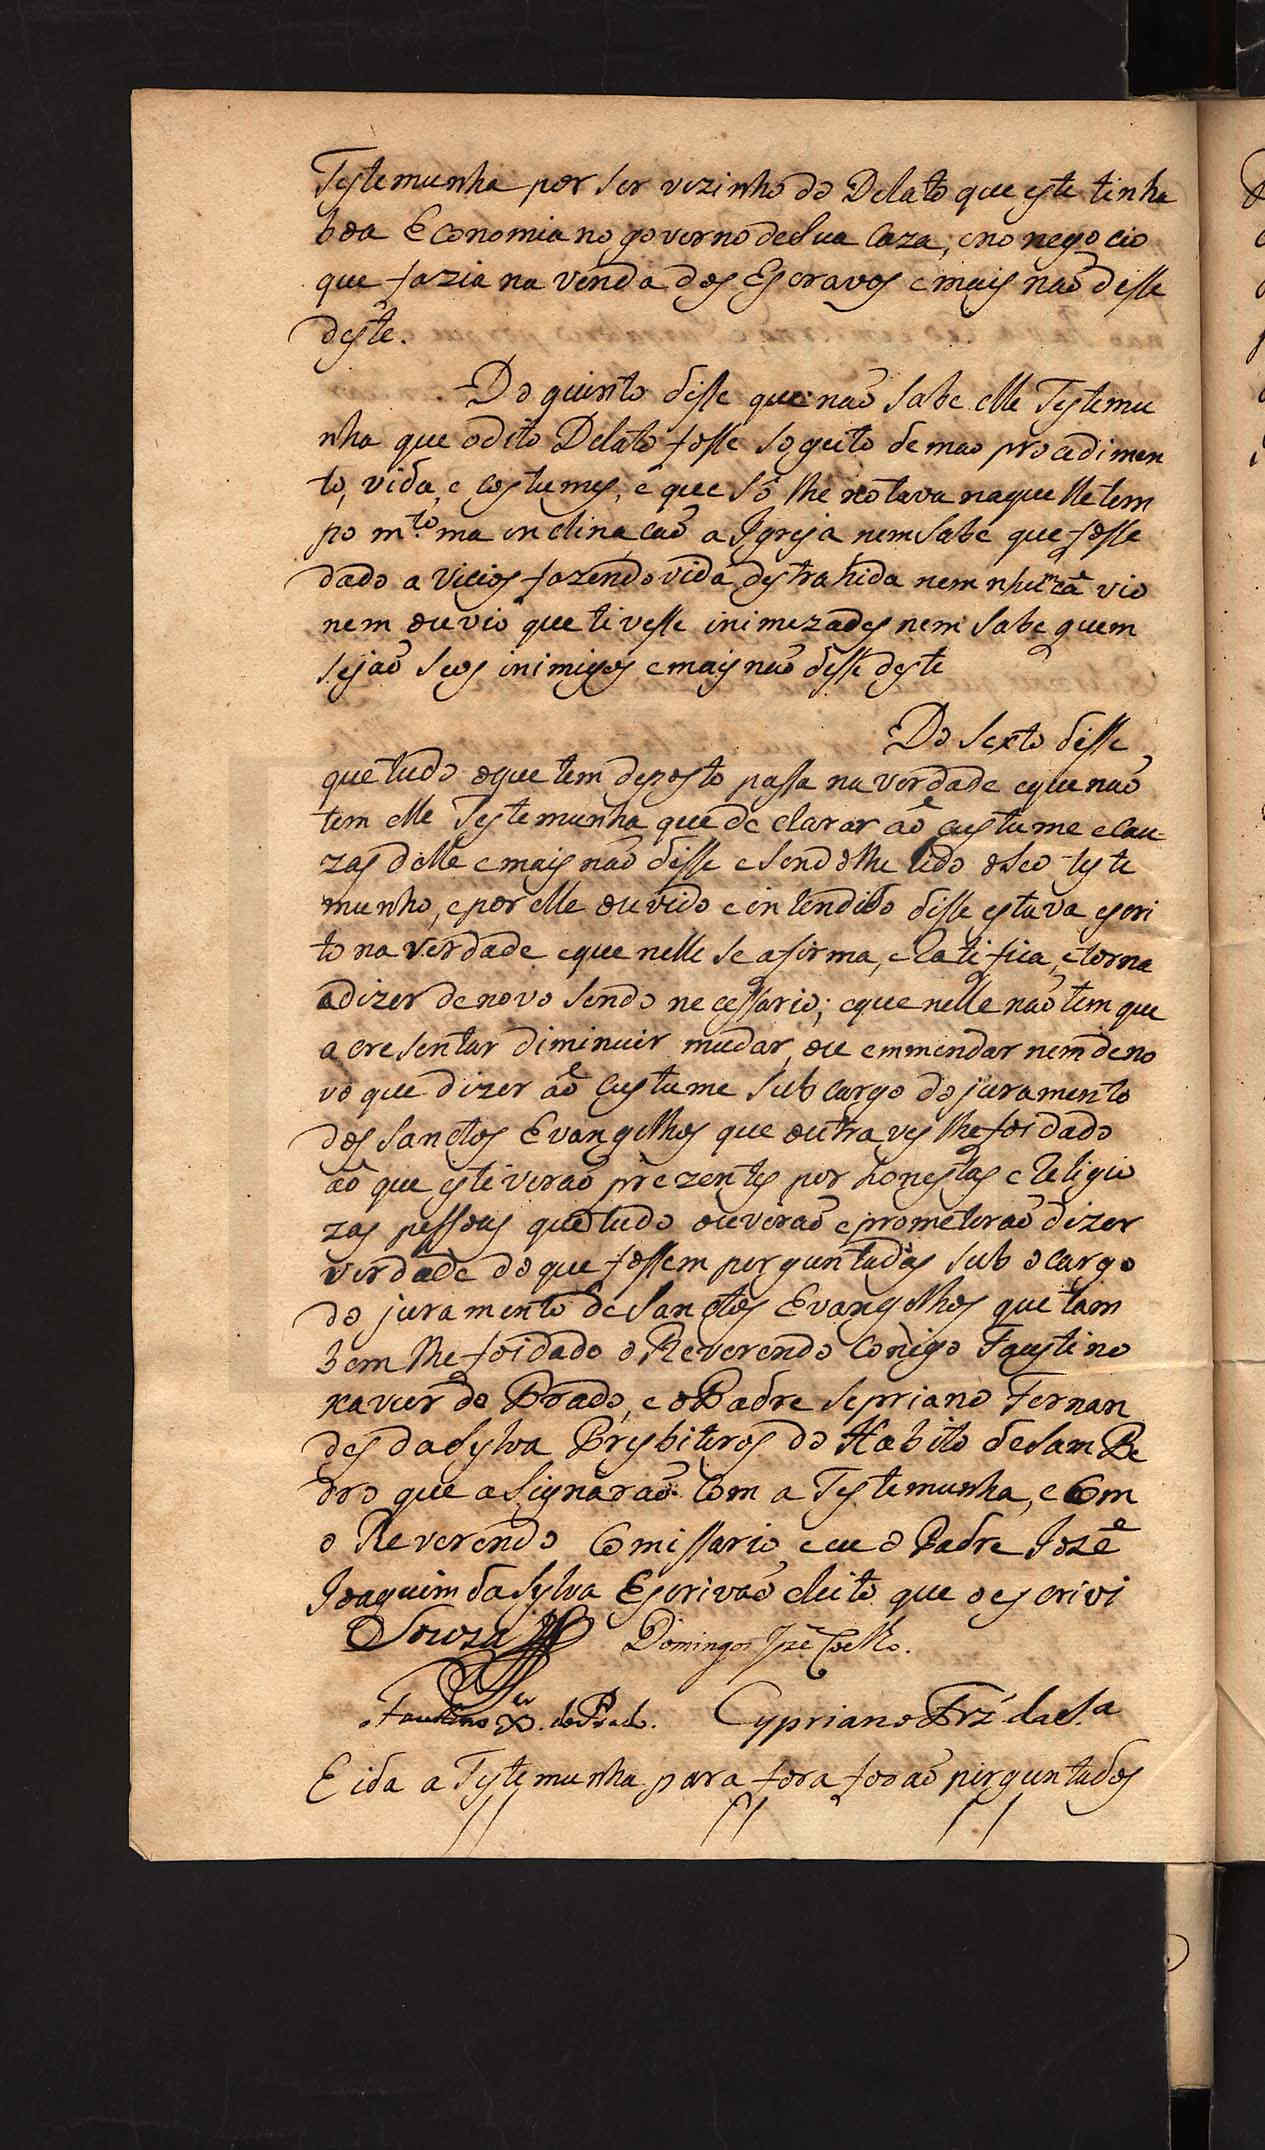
Testemunha por ser vezinho do Delato que este tinha
boa Economia no governo de Sua caza, e no negocio
que fazia na venda dos Escravos e mais naõ disse
deste.
Do quinto disse que naõ sabe elle Testemu
nha que o dito Delato fosse sogeito de mao procedimen
to, vida, e costumes, e que só lhe notava naquelle tem
po m.to ma inclinaçaõ a Igreja nem sabe que fosse
dado a vicios fazendo vida destrahida nem nhumca vio
nem ouvio que tivesse inimizades nem sabe quem
sejaõ seos inimigos e mais naõ disse deste
Do sexto disse
que tudo o que tem deposto passa na verdade e que naõ
tem elle Testemunha que declarar ao custume e cau
zas delle e mais naõ disse e sendolhe lido o seo teste
munho, e por elle ouvido, e entendido disse estava escri
to na verdade e que nelle se afirma, e Ratifica, e torna
a dizer de novo sendo necessario; e que nelle naõ tem que
acresentar diminuir mudar, ou emmendar nem de no
vo que dizer áo custume sub cargo do juramento
dos sanctos Evangelhos que outra ves lhe foi dado
ao que estiveraõ prezentes por honestas e Religio
zas pessoas que tudo ouviraõ e prometeraõ dizer
verdade do que fossem perguntadas sub o cargo
do juramento de Sanctos Evangelhos que tam
bem lhe foi dado o Reverendo conego Faustino
xavier do Prado, e o Padre sepriano Fernan
des da Sylva Presbiteros do Habito de Sam Pe
dro que aSignaraõ com a Testemunha, e com
o Reverendo Comissario, e eu o Padre Iozê
Ioaquim da Sylva Escrivaõ eleito que o escrivi
Souza Domingos Joze Coelho.
Faustino x.er do Prado. Cypriano Frz̄ da S.a
E ida a Testemunha para fora foraõ pirguntados
